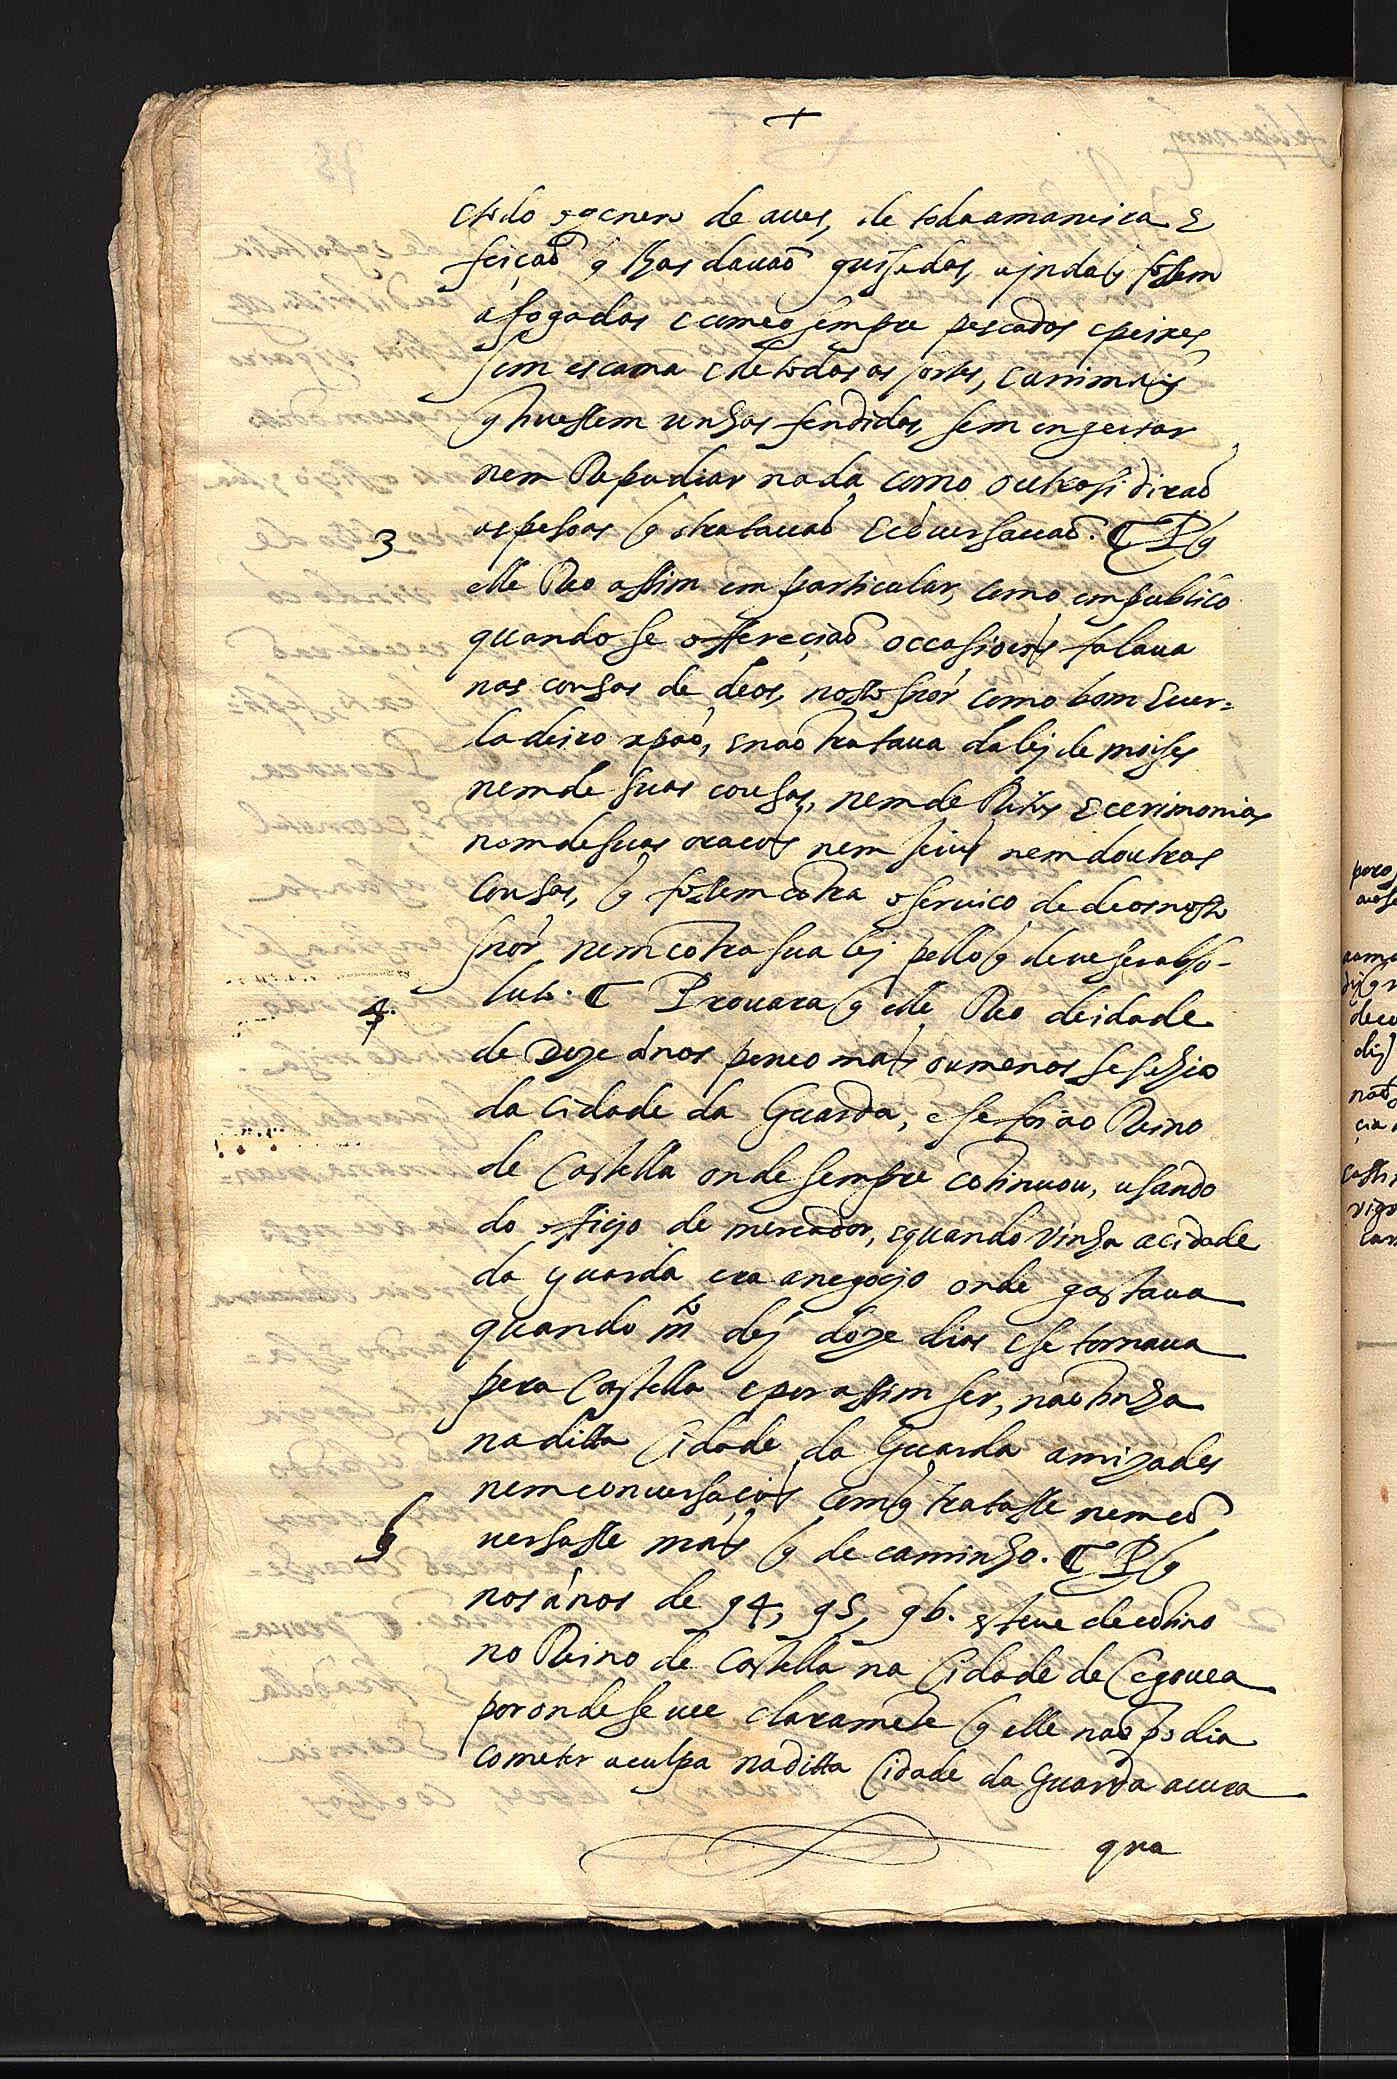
E todo o genero de aues, de toda a maneira E
feiçaõ q̄ lhas dauaõ guisadas, ajnda q̄ fossem
afogadas E comeo sempre pescados E peixes
sem escama E de todas as sortes, E animais
q̄ tiuessem unhas fendidas, sem engeitar
nem Repudiar nada como outrosi diraõ
as pesoas q̄ o tratauaõ E cōuersauaõ. ¶ Ꝓ q̄
elle Reo assim em particular, como em publico
quando se offereçiaõ occasioens falaua
nas cousas de deos, nosso snor̄ como bom E uer
dadeiro xpaõ, E naõ trataua da lej de moises
nem de suas cousas, nem de Ritos E cerimonias
nem de suas oracōs nem Jeiūs nem doutras
cousas, q̄ fossem cōtra o seruico de deos nosso
Snor̄ nem cōtra sua lej pello q̄ deue ser abso
luto. ¶ Prouara q̄ elle Reo de idade
de Doze ānos pouco mais ou menos se sahio
da cidade da Guarda, e se foi ao Reino
de Castella onde sempre cōtinuou, usando
do officjo de mercador, E quando vinha a cidade
da guarda era a negocjo onde gastaua
quando mto dez doze dias E se tornaua
pera Castella E por assim ser, naõ tinha
na ditta Cidade da Guarda amizades
nem conuersaçoĩs com que tratasse nem cō
uersasse mais q̄ de caminho. ¶ Ꝓ q̄
nos ānos de 94, 95, 96. esteue de cōtino
no Reino de Castella na Cidade de Cegouea
por onde se uee claramēte q̄ elle naõ podia
cometer a culpa na ditta Cidade da Guarda auera
qua
